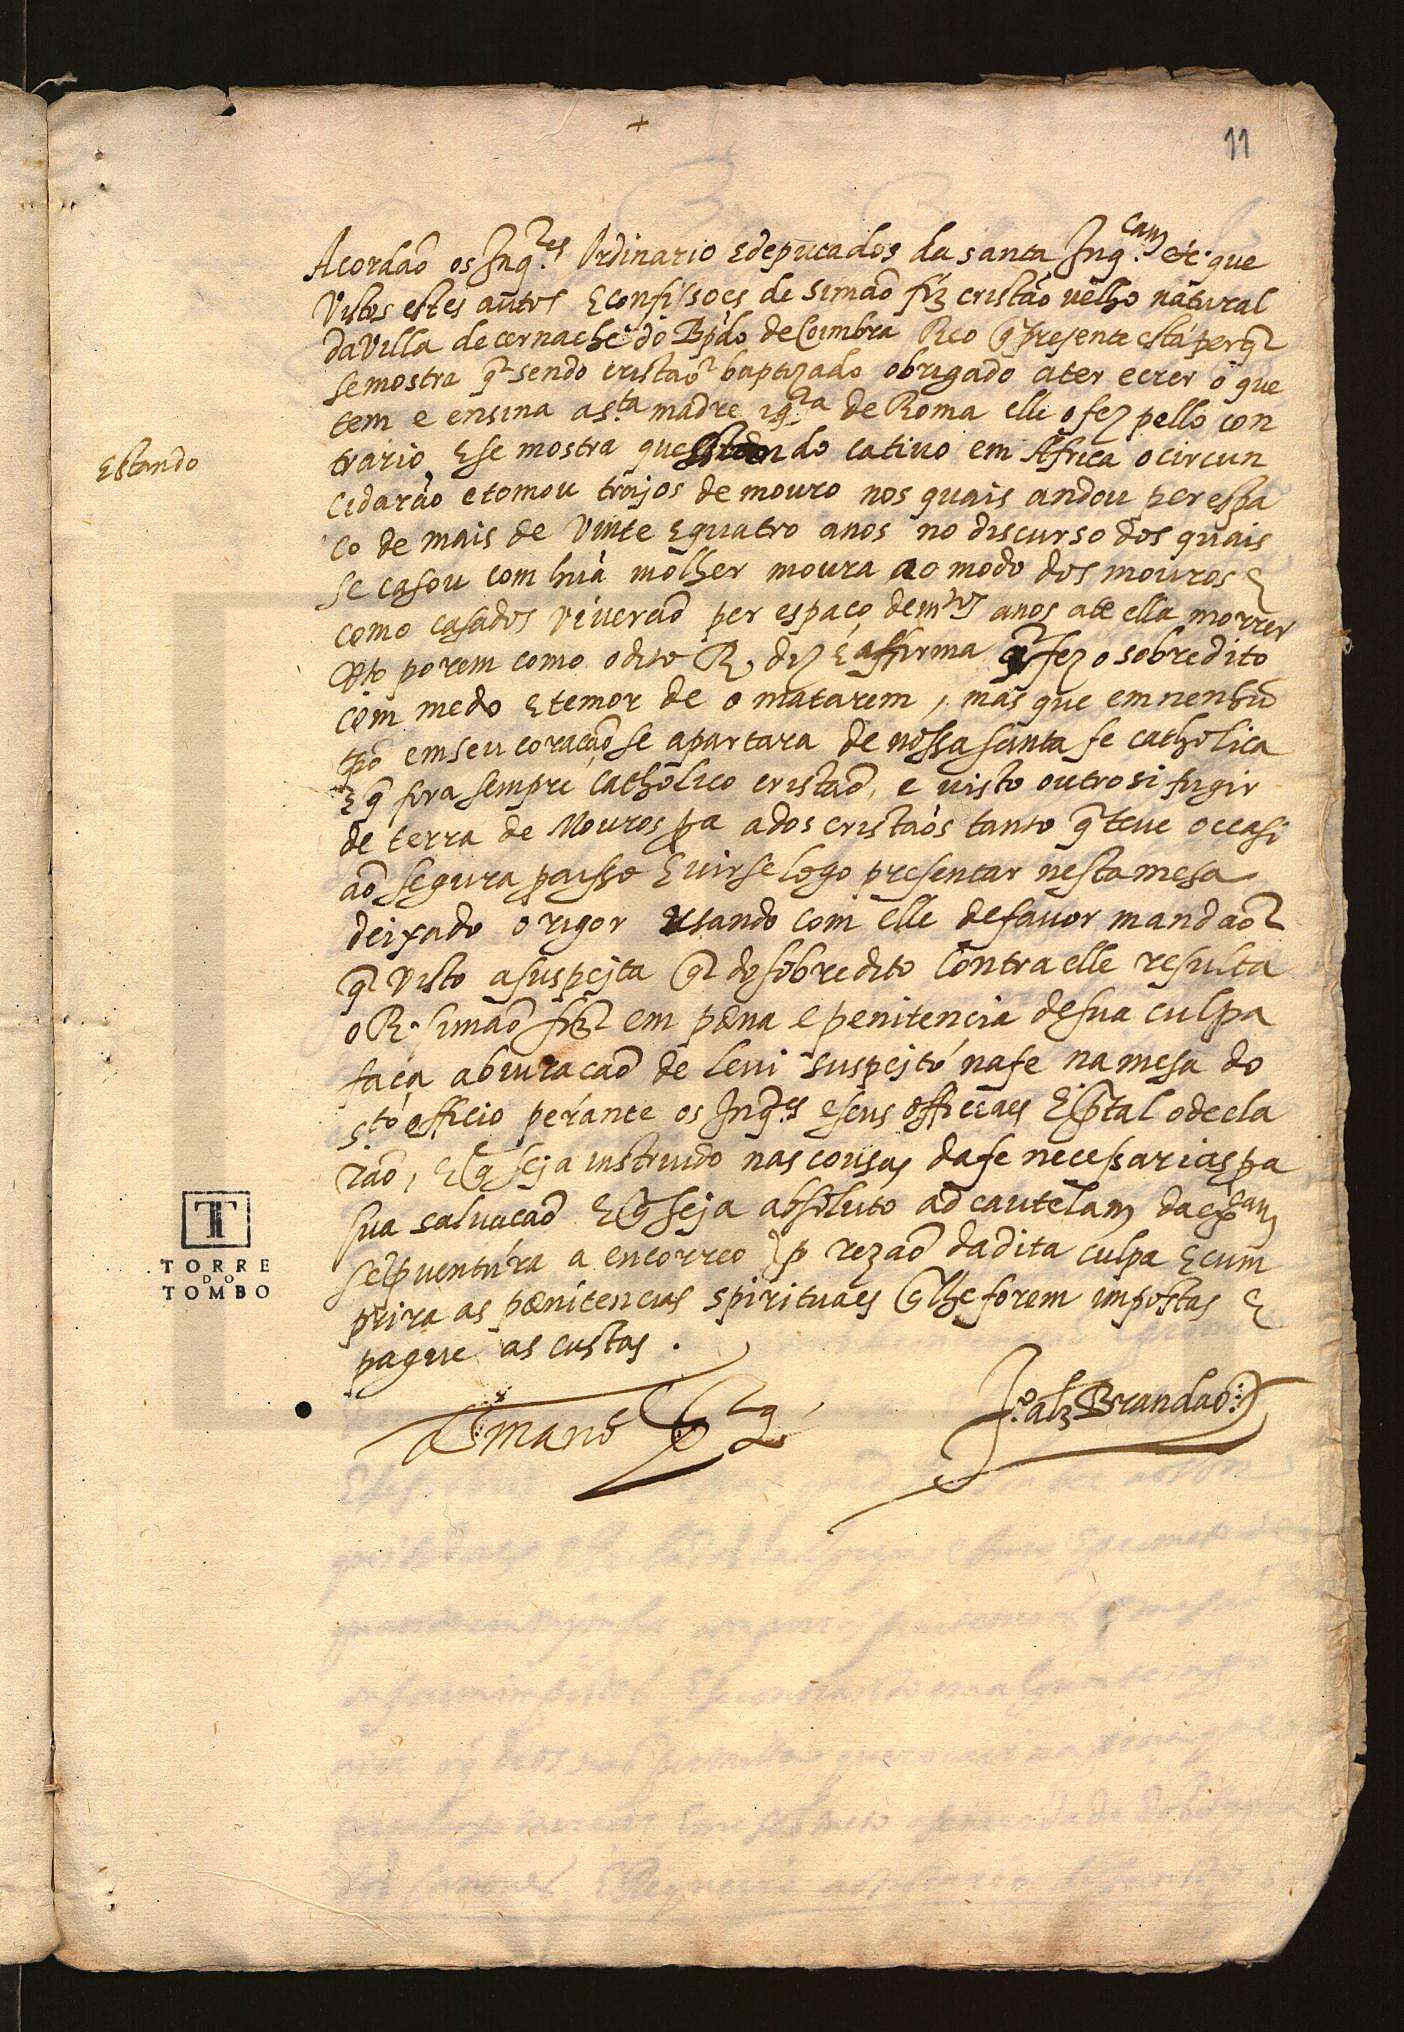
Acordaõ os Jnq.res Ordinario E deputados da santa Jnq.çam &c. que
Vistos estes autos E confissoes de Simão frz̄ cristão uelho natural
da Villa de cernache do Bp̄do de Coimbra Reo q̄ presente está porq̄
se mostra q̄ sendo cristaõ baptizado obrigado a ter e crer o que
tem e ensina a s.ta madre ig.ra de Roma elle o fez pello con
trario, E se mostra que estando catiuo em Africa o circun
Estando
cidarão e tomou trajos de mouro nos quais andou per espa
ço de mais de vinte E quatro anos no discurso dos quais
se casou com huā molher moura ao modo dos mouros E
como casados viuerão per espaço de mtos anos ate ella morrer
V.to porem como o dito R. diz E affirma q̄ fez o sobredito
com medo E temor de o matarem, mas que em nenhū
tpō em seu coraçaõ se apartara de nossa santa fe catholica
E q̄ fora sempre catholico cristaõ, e uisto outrosi fugir
de terra de Mouros ꝑa a dos cristaõs tanto q̄ teue occasi
aõ segura ꝑa isso E uirse logo presentar nesta mesa
deixado o rigor usando com elle de fauor mandaõ
q̄ visto a suspejta q̄ do sobredito contra elle resulta
o R. simão frz̄ em pœna e penitencia de sua culpa
faça abiuraçaõ de leui suspejto na fe na mesa do
s.to officio perante os Jnq.res e seus officiaes E p̄ tal o decla
raõ, E q̄ seja instruido nas cousas da fe necessarias ꝑa
sua saluaçaõ E q̄ seja absoluto ad cautelam da excam
se p̄uentura a encorreo p̄ rezaõ da dita culpa E cum
prira as pœnitencias spirituaes q̄ lhe forem impostas E
pague as custas.
dō manoel pra
J.o al̄z Brandaõ
